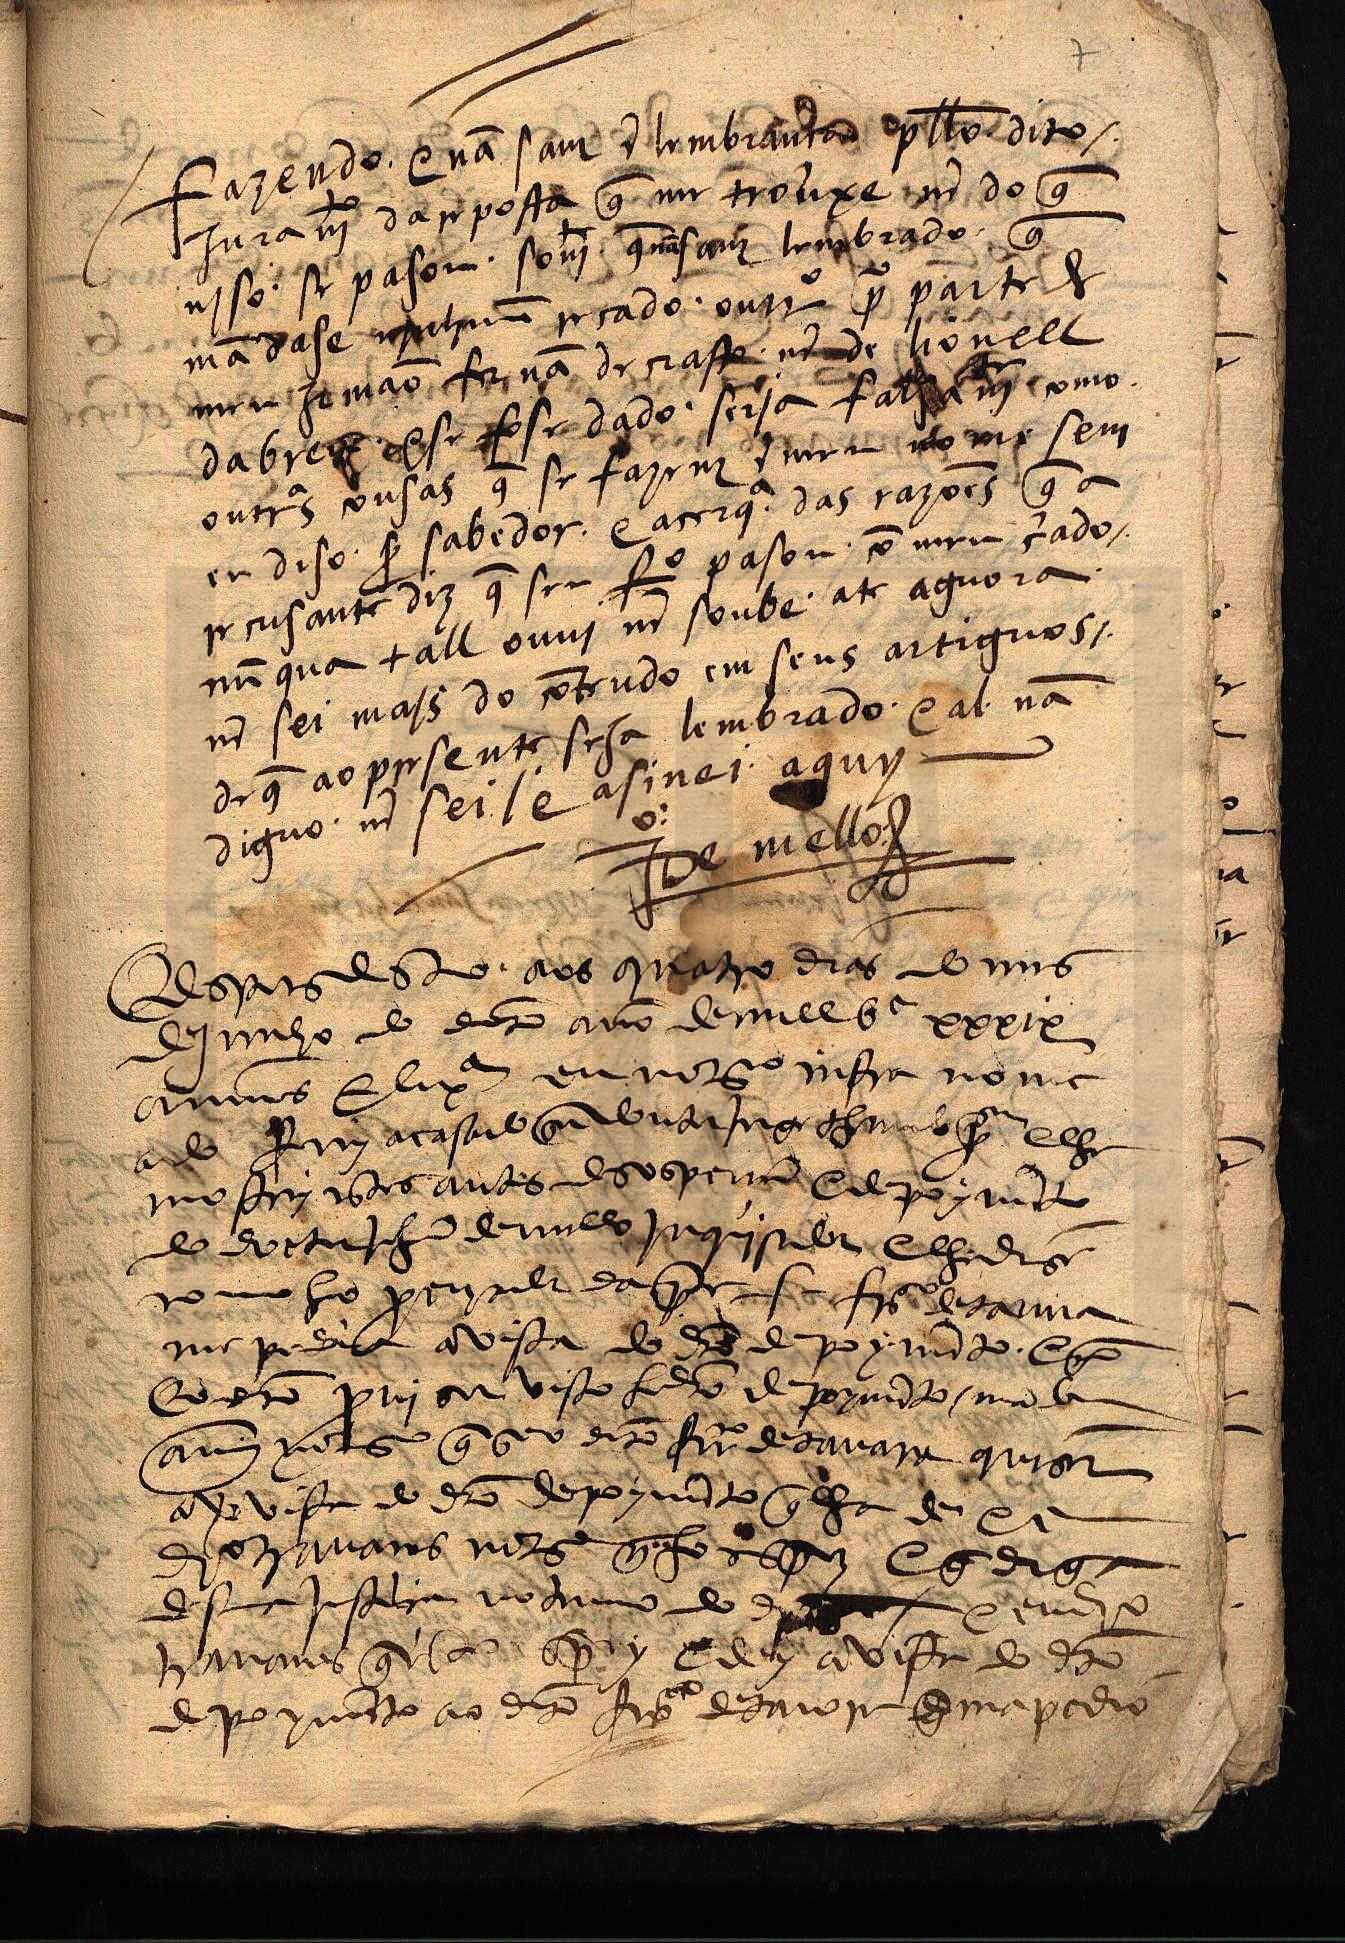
fazendo. e nā sam ē lembrança p̄llo dito /.
Juramto da reposta q̄ me trouxe nē do q̄
njso se pasou. somte q̄ nā sam lembrado. q̄
mādase njnhuū recado. outro p̄o parte de
meu Jrmão fernā de crasto. nē de lionell
dabreu e se fose dado. serja falsamte como
outras cousas q̄ se fazem ē meu nome sem
eu diso ꞩ sabedor. e acerqa. das razões q̄ a
recusante diz q̄ seu fo pasou c̄o meu ciado /.
nūqua tall ouuj nē soube. ate aguora
nē sei majs do c̄oteudo em seus artiguos /.
de q̄ ao presente seJa lembrado. e al nā
diguo. nē sei / e asinei aquy
Jo de mello
E despois desto aos quatro dias do mes
de junho do dito ano de mill bc xxxix
annos ē lixa eu notro infra nome
ado fuy a casa do s̄or doutor Jorge themudo ꝓsor e lhe
mostrey estes autos de sospeiçā e depoymēto
do doctor Johā de mello Jnqujsidor e lhe dise
como ho ꝓcurador da p̄te .s. frrco de tauora
me pedia a vista do dtō depoymēto. e c̄ꝭ
E o dtō ꝓujsor visto ho dtō depoymēto / mādou
a mj̄ notro q̄ se o dito frrco de tauara quiser
aꝟ vista do dtō depoymēto q̄ lha de e eu
djo trauaços notro q̄ ho esp̄vj e q̄ diga
de sua Justiça no termo do dj_ / e eu djo
trauaços q̄ o sp̄vy e dey a vista do dto
depoymēto ao dito frrco de tauora q̄ ma pedio
